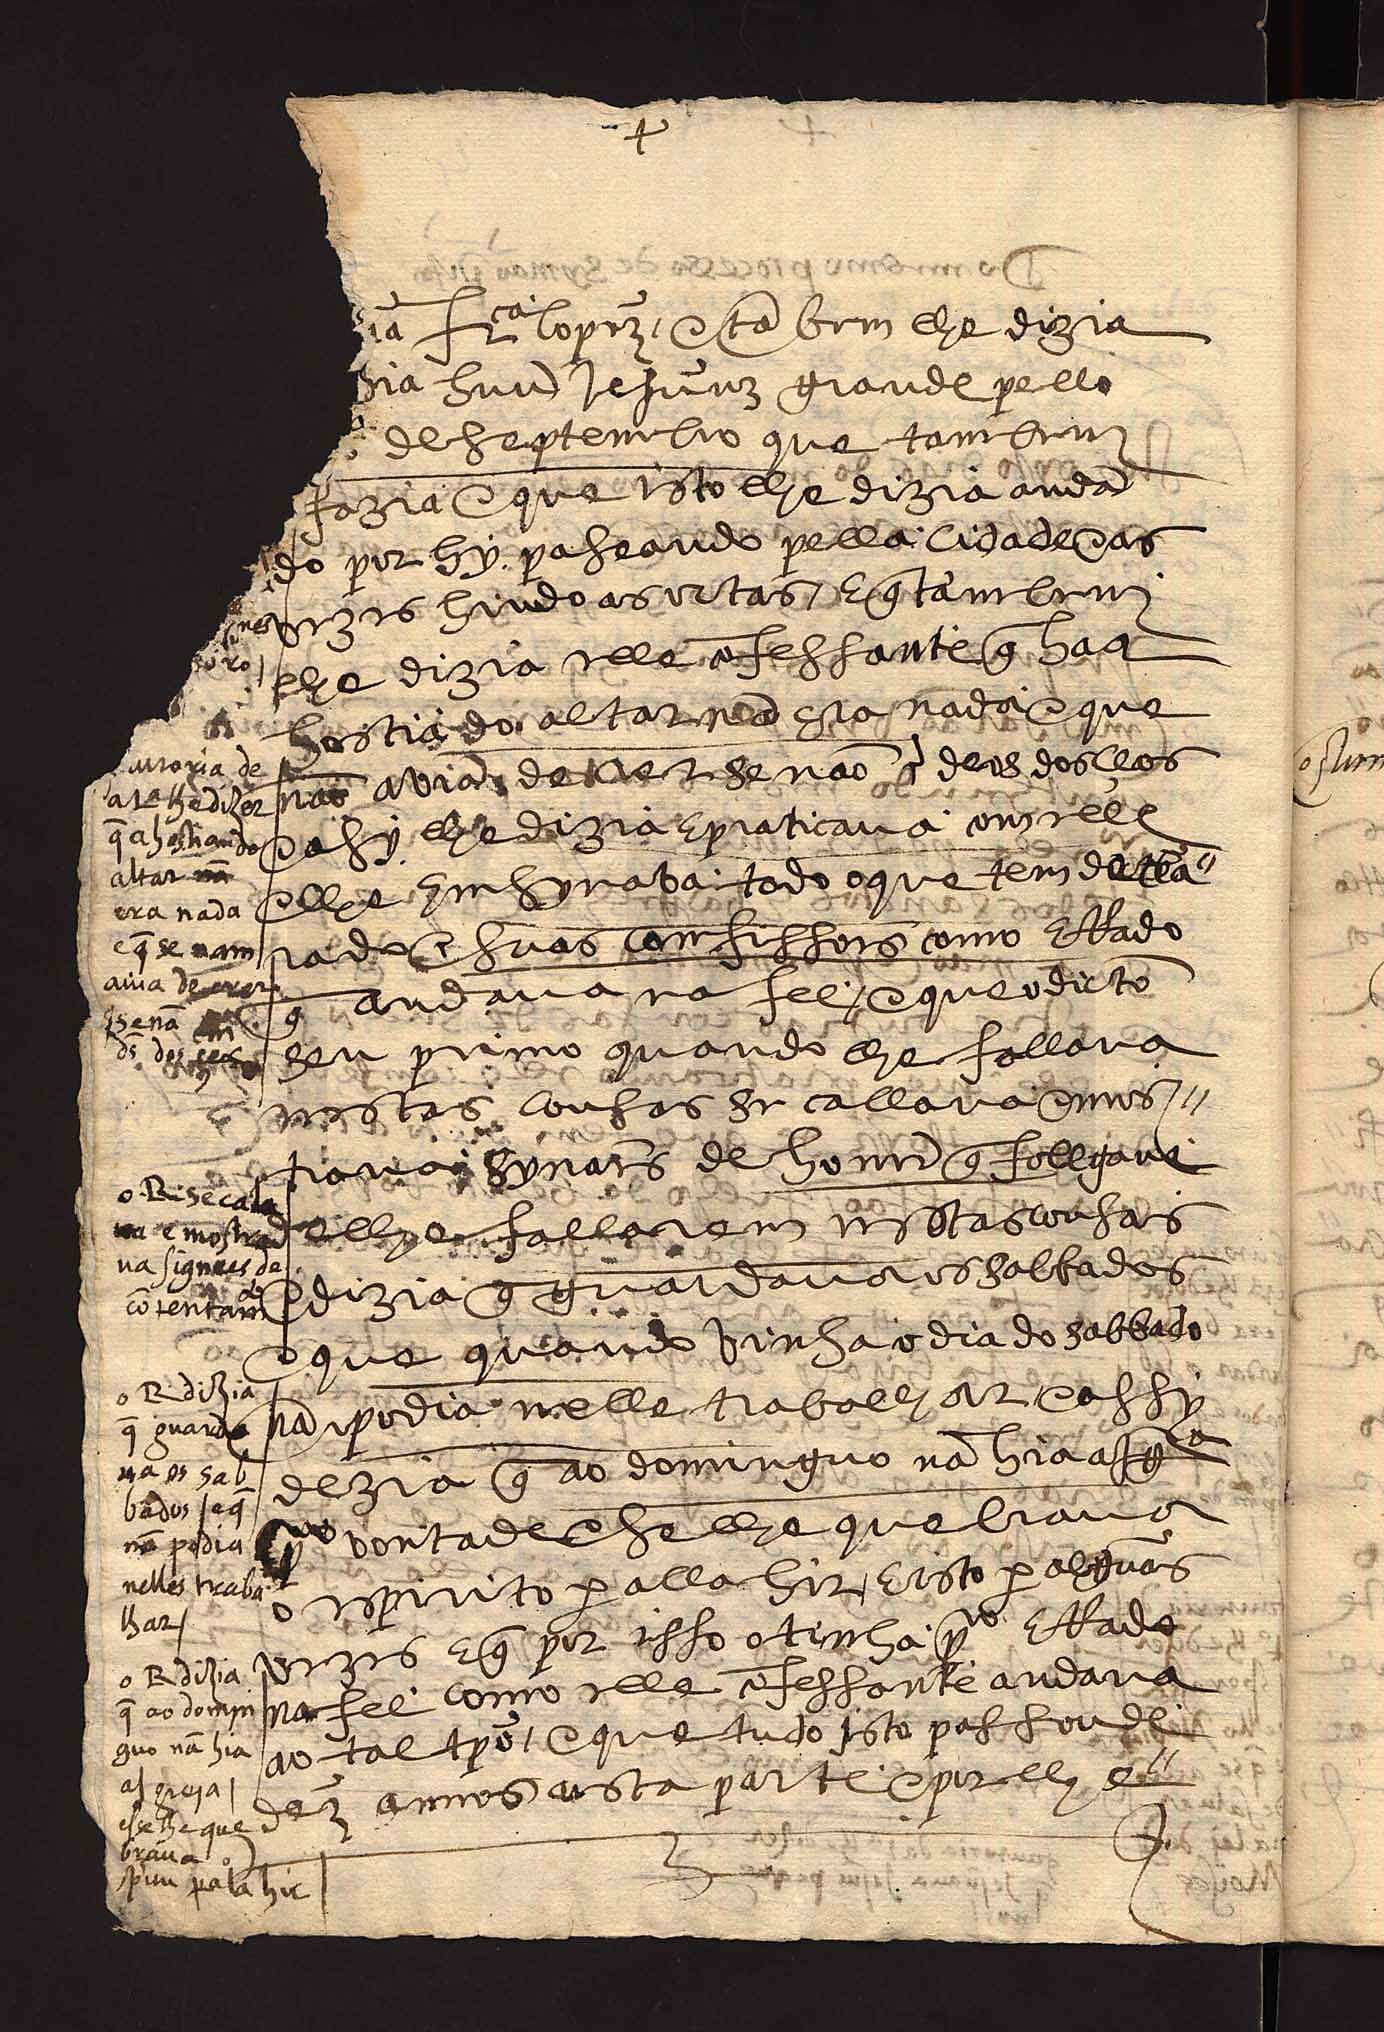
usaria de
a 1a lhe dizer
q̄ a hostia do
altar nā
era nada
e q̄ se nam
auia de crer
senā em
d̄s dos çeos
o .R. se cala
_a e mostr_
ua Signaes de
cōtentamto
o R. dizia
q̄ guarda
ua os sab
bados / e q̄
nā podia
nelles traba
lhar/
o R dizia
q̄ ao domjn
guo nā hia
a Jgreja /
e sse lhe que
braua o
spītu ꝑa la hir
_a Frca. lopez̄, e tābem lhe dizia
_ia huū Jejūm grande pello
_ de septembro que tambem
fazia e que isto lhe dizia andā
do por hy paseando pella cidade e as
vezes hindo as ortas/ E q̄ tāmbem
lhe dizia elle cōfessante q̄ haa
hostia do altar nā Era nada e que
não avia de crer senão ē deos dos çeos
e asy lhe dizia E praticaua com elle
e lhe Emsynava todo o que tem decla
rado ē suas comfissoes como ERado
q̄ andaua na fee. / e que o dict̄o
seu primo quando lhe fallaua
nestas cousas se callaua e mos //
traua synaēs de homē q̄ follgaua
de lhe fallarem nestas cousas
e dizia q̄ guardaua os sabbados
e que quando vinha o dia do sabbado
nā podia nelle trabalhar / e assy
dezia q̄ ao dominguo nā hia a Jḡra
p̄o vontade e se lhe quebraua
o espirito ꝑa lla hir / E isto ꝑ algūas
vezes E q̄ por isso o tinha p̄o ERado
na fee como elle cōfessante andaua
ao tal tpō / e que tudo jsto passou de
dez̄ annos a esta parte e por lhe //
